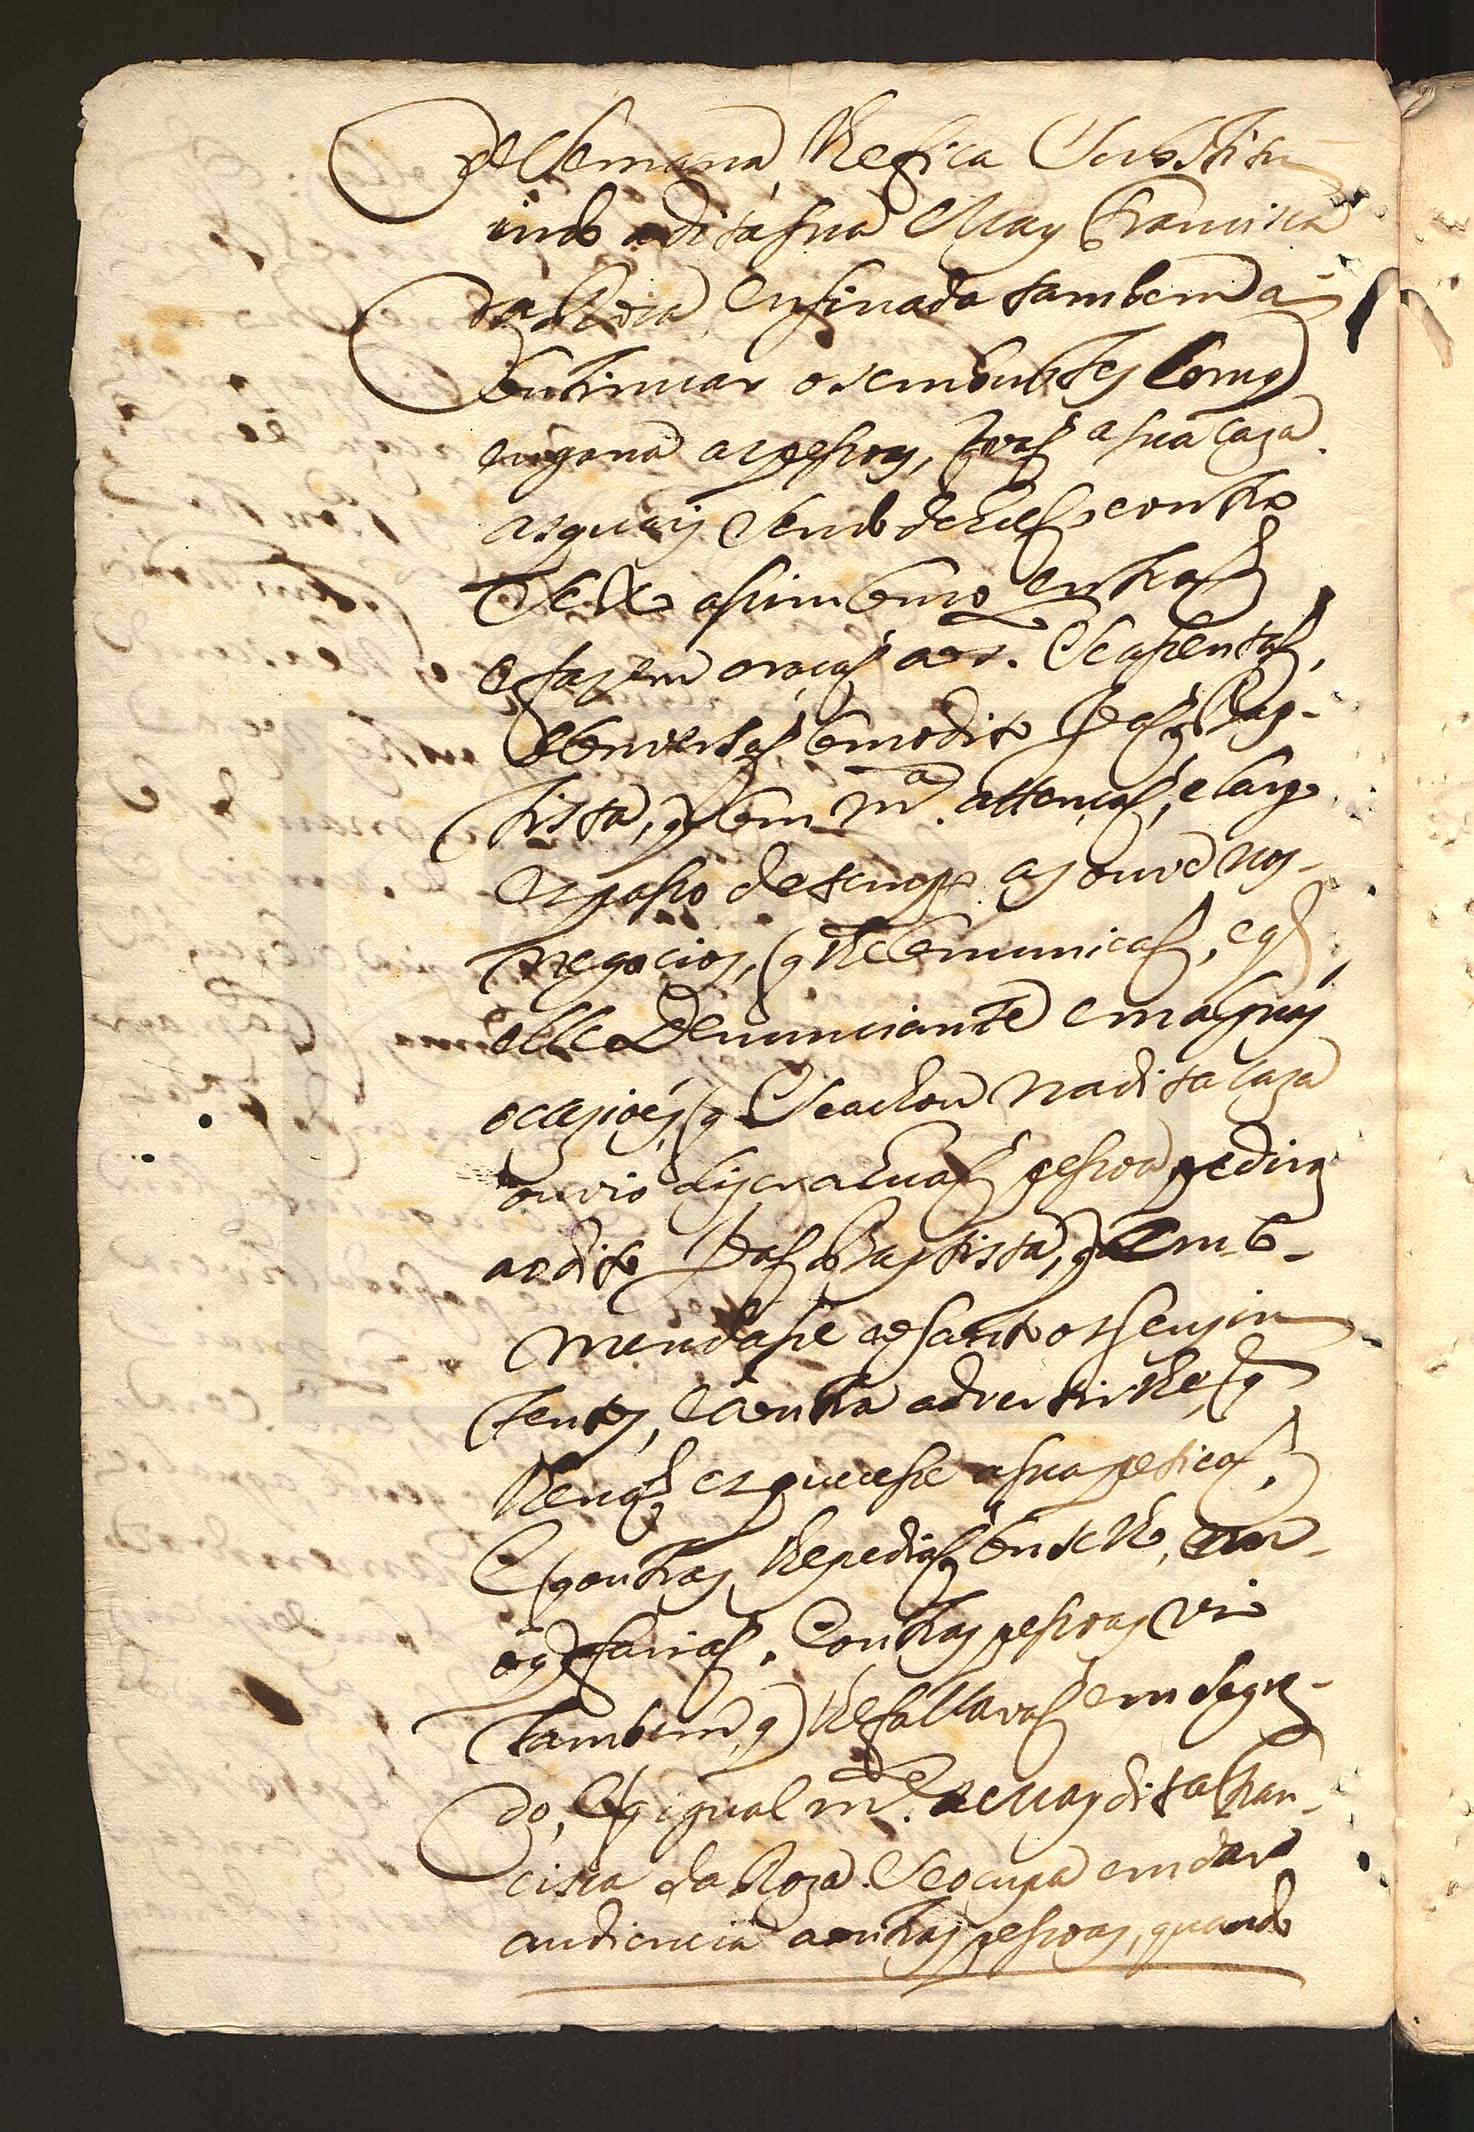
de Semana, lhe fica substitu
indo a dita sua May Francisca
da Roza ensinada tambem a
Continuar os embustes Com q̄
engana as pessoas, q̄ vaõ a sua caza
as quais Sendo de hū e outro
Sexo assim Como entraõ
e fazem oraçaõ ao s.to Se assentaõ
e Conversaõ Com o dito Joaõ Bap
tista, q̄ Com m.ta attençaõ, e largo
espasso de tempo as ouve nos
negocios, q̄ lhe Comunicaõ, e q̄
ella Denunciante em alguās
ocazioēs, q̄ se achou na dita caza
ouvio dizer a huā pessoa pedira
ao dito Joaõ Baptista, q̄ Emco
mendasse ao Santo os Seus in
tentos, e a outra advertirlhe, q̄
lhe naõ esquecesse a sua peticaõ
E q̄ outras lhe pediaõ Conselho, ou
o q̄ fariaõ, E outras pessoas vio
tambem, q̄ lhe fallavaõ em Segre
do, E q̄ igualm.te a May dita Fran
cisca da Rosa Se ocupa em dar
audiencia a outras pessoas, quando
